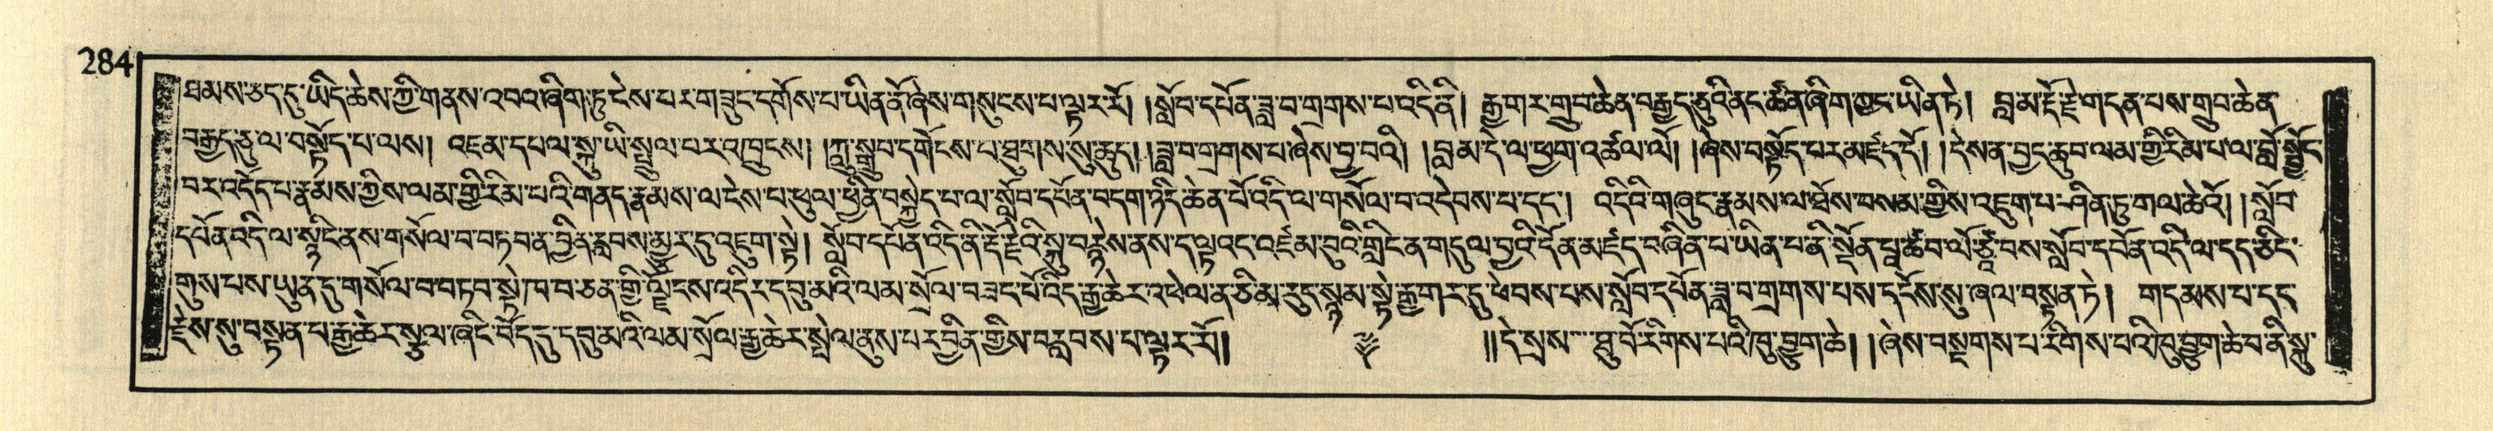ཐམས་ཅད་དུ་ཡིད་ཆེས་ཀྱི་གནས་འབའ་ཞིག་ཏུ་ངེས་པར་གཟུང་དགོས་པ་ཡིན་ནོ་ཞེས་གསུངས་པ་ལྟར་རོ། །སློབ་དཔོན་ཟླ་བ་གྲགས་པ་འདི་ནི། རྒྱ་གར་གྲུབ་ཆེན་བརྒྱད་ཅུའི་ནང་ཚན་ཞིག་ཀྱང་ཡིན་ཏེ། བླ་མ་རྡོ་རྗེ་གདན་པས་གྲུབ་ཆེན་
བརྒྱད་ཅུ་ལ་བསྟོད་པ་ལས། འཇམ་དཔལ་སྐུ་ཡི་སྤྲུལ་པར་འཁྲུངས། །ཀླུ་སྒྲུབ་དགོངས་པ་ཐུགས་སུ་ཆུད། །ཟླ་བ་གྲགས་པ་ཞེས་བྱ་བའི། །བླ་མ་དེ་ལ་ཕྱག་འཚལ་ལོ། །ཞེས་བསྟོད་པར་མཛད་དོ། །དེས་ན་བྱང་ཆུབ་ལམ་གྱི་རིམ་པ་ལ་བློ་སྦྱོང་
བར་འདོད་པ་རྣམས་ཀྱིས་ལམ་གྱི་རིམ་པའི་གནད་རྣམས་ལ་ངེས་པ་ཕུལ་ཕྱིན་བསྐྱེད་པ་ལ་སློབ་དཔོན་བདག་ཉིད་ཆེན་པོ་འདི་ལ་གསོལ་བ་འདེབས་པ་དང་། འདིའི་གཞུང་རྣམས་ལ་ཐོས་བསམ་གྱིས་འཇུག་པ་ཤིན་ཏུ་གལ་ཆེའོ། །སློབ་
དཔོན་འདི་ལ་སྙིང་ནས་གསོལ་བ་བཏབ་ན་བྱིན་རླབས་མྱུར་དུ་འཇུག་སྟེ། སློབ་དཔོན་འདི་ནི་རྡོ་རྗེའི་སྐུ་བརྙེས་ནས་ད་ལྟའང་འཛམ་བུའི་གླིང་ན་གདུལ་བྱའི་དོན་མཛད་བཞིན་པ་ཡིན་པ་ནི་སྡོན་པཱ་ཚབ་ལོ་ཙཱ་བས་སློབ་དབོན་འདི་ལ་དད་ཅིང་
གུས་པས་ཡུན་དུ་གསོལ་བ་བཏབ་སྟེ་ཁ་བ་ཅན་གྱི་ལྗོངས་འདིར་དབུ་མའི་ལམ་སྲོལ་བཟང་པོ་འདི་རྒྱ་ཆེར་འཕེལ་ན་ཅི་མ་རུང་སྙམ་སྟེ་རྒྱ་གར་དུ་ཕེབས་པས་སློབ་དཔོན་ཟླ་བ་གྲགས་པས་དངོས་སུ་ཞལ་བསྟན་ཏེ། གདམས་པ་དང་
རྗེས་སུ་བསྟན་པ་རྒྱ་ཆེར་སྩལ་ཞིང་བོད་དུ་དབུ་མའི་ལམ་སྲོལ་རྒྱ་ཆེར་སྤེལ་ནུས་པར་བྱིན་གྱིས་བརླབས་པ་ལྟར་རོ།། ༈ །།དེ་སྲས་ཐུ་བོ་རིགས་པའི་ཁུ་བྱུག་ཆེ། །ཞེས་བསྔགས་པ་རིགས་པའི་ཁུ་བྱུག་ཆེ་བ་ནི་སྐུ་